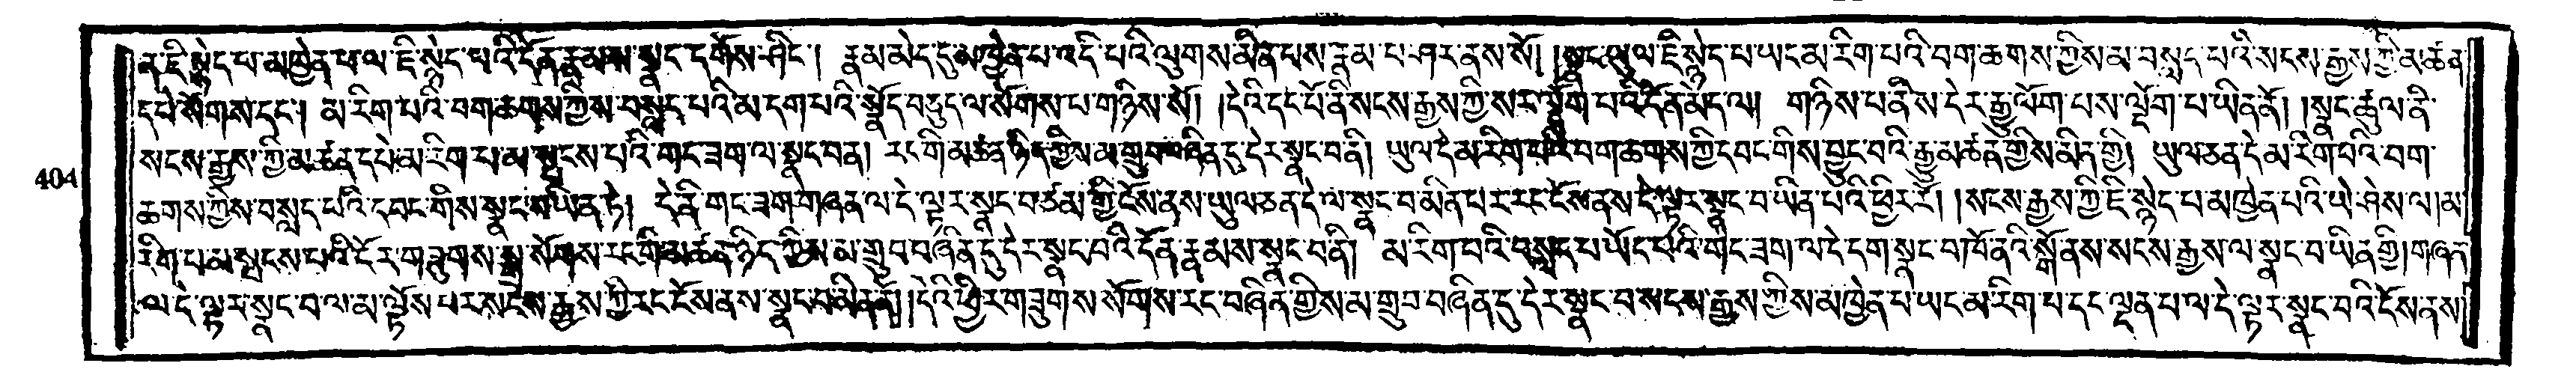ན་ཇི་སྙེད་པ་མཁྱེན་པ་ལ་ཇི་སྙེད་པའི་དོན་རྣམས་སྣང་དགོས་ཤིང་། རྣམ་མེད་དུ་མཁྱེན་པ་འདི་པའི་ལུགས་མིན་པས་རྣམ་པར་ཤར་ནས་སོ། །སྣང་ཡུལ་ཇི་སྙེད་པ་ཡང་མ་རིག་པའི་བག་ཆགས་ཀྱིས་མ་བསླད་པའི་སངས་རྒྱས་ཀྱི་མཚན་
དཔེ་སོགས་དང་། མ་རིག་པའི་བག་ཆགས་ཀྱིས་བསླད་པའི་མ་དག་པའི་སྣོད་བཅུད་ལ་སོགས་པ་གཉིས་སོ། །དེའི་དང་པོ་ནི་སངས་རྒྱས་ཀྱི་སར་ལྡོག་པའི་དོན་མེད་ལ། གཉིས་པ་ནི་ས་དེར་རྒྱུ་ལོག་པས་ལྡོག་པ་ཡིན་ནོ། །སྣང་ཚུལ་ནི་
སངས་རྒྱས་ཀྱི་མཚན་དཔེ་མ་རིག་པ་མ་སྤངས་པའི་གང་ཟག་ལ་སྣང་བ་ན། རང་གི་མཚན་ཉིད་ཀྱིས་མ་གྲུབ་བཞིན་དུ་དེར་སྣང་བ་ནི། ཡུལ་དེ་མ་རིག་པའི་བག་ཆགས་ཀྱི་དབང་གིས་བྱུང་བའི་རྒྱུ་མཚན་གྱིས་མིན་གྱི། ཡུལ་ཅན་དེ་མ་རིག་པའི་བག་
ཆགས་ཀྱིས་བསླད་པའི་དབང་གིས་སྣང་བ་ཡིན་ཏེ། དེ་ནི་གང་ཟག་གཞན་ལ་དེ་ལྟར་སྣང་བ་ཙམ་གྱི་ངོས་ནས་ཡུལ་ཅན་དེ་ལ་སྣང་བ་མིན་པར་རང་ངོས་ནས་དེ་ལྟར་སྣང་བ་ཡིན་པའི་ཕྱིར་རོ། །སངས་རྒྱས་ཀྱི་ཇི་སྙེད་པ་མཁྱེན་པའི་ཡེ་ཤེས་ལ། མ་
རིག་པ་མ་སྤངས་པའི་ངོར་གཟུགས་སྒྲ་སོགས་རང་གི་མཚན་ཉིད་ཀྱིས་མ་གྲུབ་བཞིན་དུ་དེར་སྣང་བའི་དོན་རྣམས་སྣང་བ་ནི། མ་རིག་པའི་བསླད་པ་ཡོང་བའི་གང་ཟག་ལ་དེ་དག་སྣང་བ་ཁོ་ནའི་སྒོ་ནས་སངས་རྒྱས་ལ་སྣང་བ་ཡིན་གྱི། གཞན་
ལ་དེ་ལྟར་སྣང་བ་ལ་མ་ལྟོས་པར་སངས་རྒྱས་ཀྱི་རང་ངོས་ནས་སྣང་བ་མིན་ནོ། །དེའི་ཕྱིར་གཟུགས་སོགས་རང་བཞིན་གྱིས་མ་གྲུབ་བཞིན་དུ་དེར་སྣང་བ་སངས་རྒྱས་ཀྱིས་མཁྱེན་པ་ཡང་མ་རིག་པ་དང་ལྡན་པ་དེ་ལྟར་སྣང་བའི་ངོས་ནས།